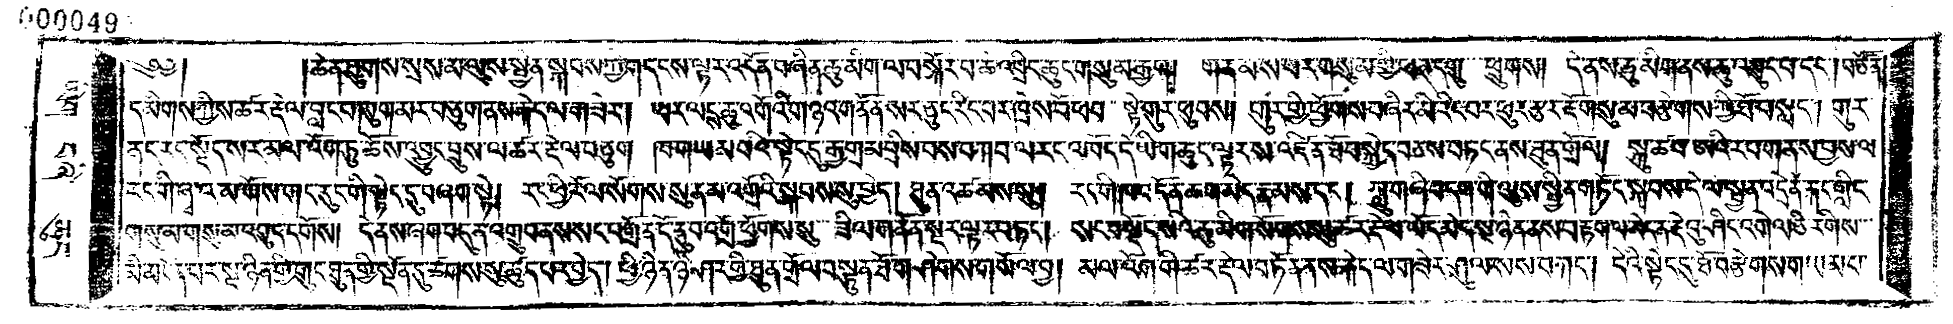༄༅། །ཆེན་ཐུགས་སྲས་མ་ལུས་སྦྱིན་སྐབས་ཀྱི་གདངས་ལྟར་འདོན་བཞིན་ཆུ་མིག་ལ་བསྐོར་བ་ཆེ་འབྲིང་ཆུང་གསུམ་རྒྱག །གནམ་ས་པར་གསུམ་གྱི་ཕཊ་དགུ་ཕྲུགས། དེ་ནས་ཆུ་མིག་ནས་ཆུ་འཐུང་བ་དང་། བཙོན་
དམིགས་ཀྱིས་ཚར་རྡེལ་བླང་བ་ཁུག་མར་བཅུག་ནས་རྐེད་ལ་གཟེར། ཡར་ལངས་ཆུ་འགོའི་གཉའ་གནོན་སར་ཅུང་རིང་བར་ཁྲེས་བོ་ཕབ་སྟེ་གུར་ཕུབས། གུར་གྱི་ཕྱོགས་བཞིར་མི་རིང་བར་ཕུར་རྩར་རྡོ་གསུམ་བརྩེགས་ཀྱི་ཐོ་བསླང་། གུར་
ནང་རང་སྡོད་སར་མལ་འོག་ཏུ་ཆོས་འབྱུང་བྲུས་ལ་ཚར་རྡེལ་བཅུག །ཁ་གཡམ་པའི་སྟེང་དུ་རྒྱ་གྲམ་བྲིས་པས་བཀབ་ལ་རང་འཁོད་དེ་ཡིག་ཆུང་ལྟར་ས་འཛིན་ཐོབ་སྐྱེད་བཅས་བཏང་ནས་ཐུན་གྲོལ། སྐུ་ཚབ་ཨཱི་རབ་གནས་བྱས་ལ་
རང་གི་ཞྭ་འམ་གོས་གང་རུང་གི་སྟེང་དུ་བཞག་སྟེ། རང་ཕྱི་རོལ་སོགས་སུ་ནམ་འགྲོའི་སྐབས་སུ་བྱེད། ཐུན་འཚམས་སུ། རང་གི་ཁ་འདོན་ཆག་མེད་རྣམས་དང་། ཀླུ་གཞི་བདག་གི་ལུས་སྦྱིན་གཏོང་སྐབས་དེ་ལ་སྤྱན་འདྲེན་རྐང་གླིང་
གསུམ་གསུམ་འབུད་དགོས། དེ་ནས་ཞག་བདུན་འགྲུབ་ནས་སང་འགྲོན་དོ་ནུབ་འགྲོ་ཕྱོགས་སུ་ཟིལ་གནོན་སྔར་ལྟར་བཏང་། སང་བསྡོད་སའི་ཆུ་མིག་སོགས་སུ་ཚར་རྡེལ་ཡོད་མེད་སྔ་ཉིན་ནས་བརྟག་ལ་མེད་ན་རྡེའུ་ཤིང་འགེལ་ཅི་རིགས་
མི་མངོན་པར་སྔ་ཉིན་གྱི་གུང་ཐུན་གྱི་སྔོན་དུ་ཚགས་སུ་ཚུད་པར་བྱེད། ཕྱི་ཉིན་ཉི་ཤར་གྱི་ཐུན་གྲོལ་བསྟུན་ཐོ་གཤེགས་གསོལ་བྱ། མལ་འོག་གི་ཚར་རྡེལ་བཏོན་ནས་རྐེད་ལ་གཟེར་ཤུལ་སས་བཀང་། དེའི་སྟེང་དུ་ཐོ་བརྩེགས་གཡམ་པ་